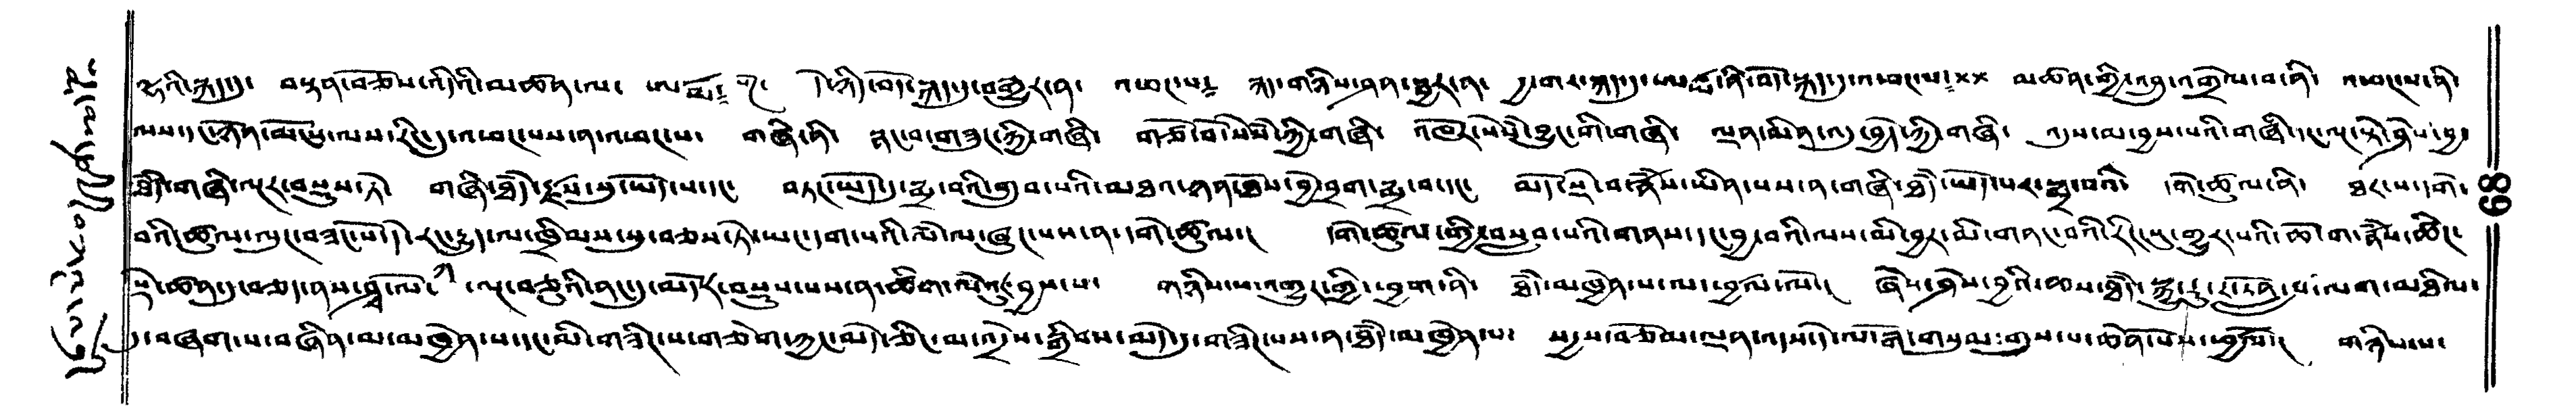ལྷའི་སྐད་དུ། བསྟན་བཅོས་འདིའི་མཚན་ལ། ཨརྻ༴སོགས། དེ་ཉིད་བོད་སྐད་དུ་བསྒྱུར་ན་འཕགས་པ། སྐད་གཉིས་ཤན་སྦྱར་ན། རྒྱ་གར་སྐད་དུ་ཨརྻ་ནི་བོད་སྐད་དུ་འཕགས་པ། མཚན་གྱི་འབྲུ་འགྲེལ་བ་ནི། འཕགས་པ་ནི་
ལས་དང་ཉོན་མོངས་ལས་རིང་དུ་འཕགས་པས་ན་འཕགས་པ། གཞི་ནི། སྣང་བ་གཟུགས་ཀྱི་གཞི། གཙོ་བོ་སེམས་ཀྱི་གཞི། འཁོར་སེམས་བྱུང་གི་གཞི། ལྡན་མིན་འདུ་བྱེད་ཀྱི་གཞི། འདུས་མ་བྱས་པའི་གཞི་དང་ལྔ་སྟེ་ཤེས་བྱ་
ཐམས་ཅད་གཞི་ལྔར་བསྡུས་ཏེ།གཞི་ཐམས་ཅད་རྫས་སུ་ཡོད་པ་དང་། བཏགས་ཡོད་དུ་སྨྲ་བའི་གྲུབ་པའི་མཐའ་ཉན་ཐོས་བྱེ་བྲག་སྨྲ་བ་དང་། མདོ་སྡེ་བ་རྣམས་ཡིན་པས་ན་གཞི་ཐམས་ཅད་ཡོད་པར་སྨྲ་བའི་དགེ་ཚུལ་ནི། ཐར་པ་དགེ་
བའི་ཚུལ་ལུགས་བཟང་པོ་དེ་རང་རྒྱུད་ལ་ཁྲིམས་སུ་བཅས་ཏེ་ཡང་དག་པའི་ལམ་ལ་ཞུགས་པས་ན་དགེ་ཚུལ། དགེ་ཚུལ་གྱི་བསླབ་པའི་གནས་དང་བྱ་བའི་ལས་མི་བྱར་མ་གནང་བའི་རིགས་སུ་གྱུར་པའི་ཆོ་ག་རྣམས་ཚིག་
སྡེ་ཚན་དུ་བཅད་ནས་ཤྭ་ལོ་ཀ་ལྔ་བཅུའི་ནང་མདོར་བསྡུས་པས་ན་ཚིག་ལེའུར་བྱས་པ། གཉིས་པ་འགྱུར་གྱི་ཕྱག་ནི། ཐམས་ཅད་མཁྱེན་པ་ལ་ཕྱག་འཚལ་ལོ། ཞེས་ཤེས་བྱའི་ཆོས་ཐམས་ཅད་སྐྱུ་རུ་ར་རློན་པ་ལག་མཐིལ་
དུ་བཞག་པ་བཞིན་མ་མཁྱེན་པ་དང་མི་གཟིགས་པ་གཅིག་ཀྱང་མེད་ཅིང་མ་འདྲེས་སྒྲིབས་མེད་དུ་གཟིགས་པས་ན་ཐམས་ཅད་མཁྱེན་པ། སངས་རྒྱས་བཅོམ་ལྡན་འདས་དེ་ལ་སྒོ་གསུམ་གུས་པ་ཆེན་པོས་ཕྱག་འཚལ་ལོ། གཉིས་པ་